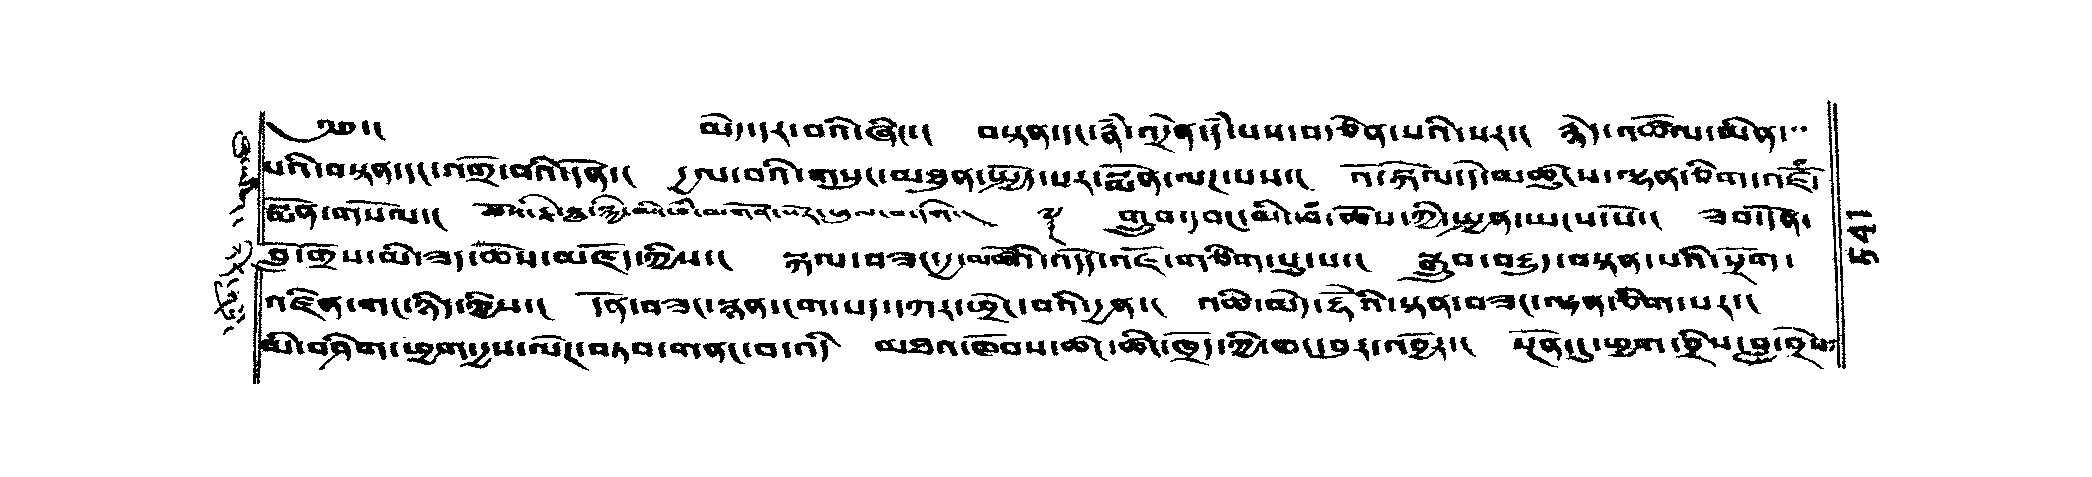མེད་དར་བའི་ཞིང་། །བསྟན་དང་རྣམ་འདྲེན་དམ་པས་རྩེན་པའི་སར། །རྙེད་འཚོལ་མིན་
པའི་བསྟན་དང་འགྲོ་བའི་དོན། །རྒྱལ་བའི་གསུང་མཐུན་སྤྱོད་པར་སྨོན་ལགས་པས། །འོ་སྐོལ་དེ་མཚུངས་ལྷན་ཅིག་འཇཛམ་
སྨོན་གསོལ། །ཆོས་རྗེ་སྐུ་སྐྱེ་མི་ཕམ་མགོན་པོར་ཕུལ་བ་དགེ།། ༈ གྲུབ་དབང་མི་ཕམ་ཆོས་ཀྱི་སྤྱན་ཡངས་པོ། །ཟབ་དོན་
བློ་གྲོས་མི་ཟད་ཆོས་མཛོད་ཀྱིས། །སྐལ་བཟང་རྒྱ་མཚོའི་འདོད་འཇོ་གཅིག་པུ་པ། །སྒྲུབ་བརྒྱུད་བསྟན་པའི་སྲོག་
འཛིན་གང་ཉིད་ཀྱིས། །དོན་བཟང་སྙན་ངག་པད་དཀར་ཕྲེང་བའི་རྒྱན། །འཆི་མེད་རྡོ་རྗེའི་རྟེན་བཟང་ལྷན་ཅིག་པར། །
མི་བཤིག་ཕྱག་རྒྱས་ལེགས་བཏབ་གནང་བ་འདི། །མཐའ་ཁོབ་ཚང་ཚྀང་ཁྲོད་ཀྱི་ཁང་བུར་འབྱོར། །སྔོན་དུ་ཕྱག་བྲིས་བླ་བྲེས་